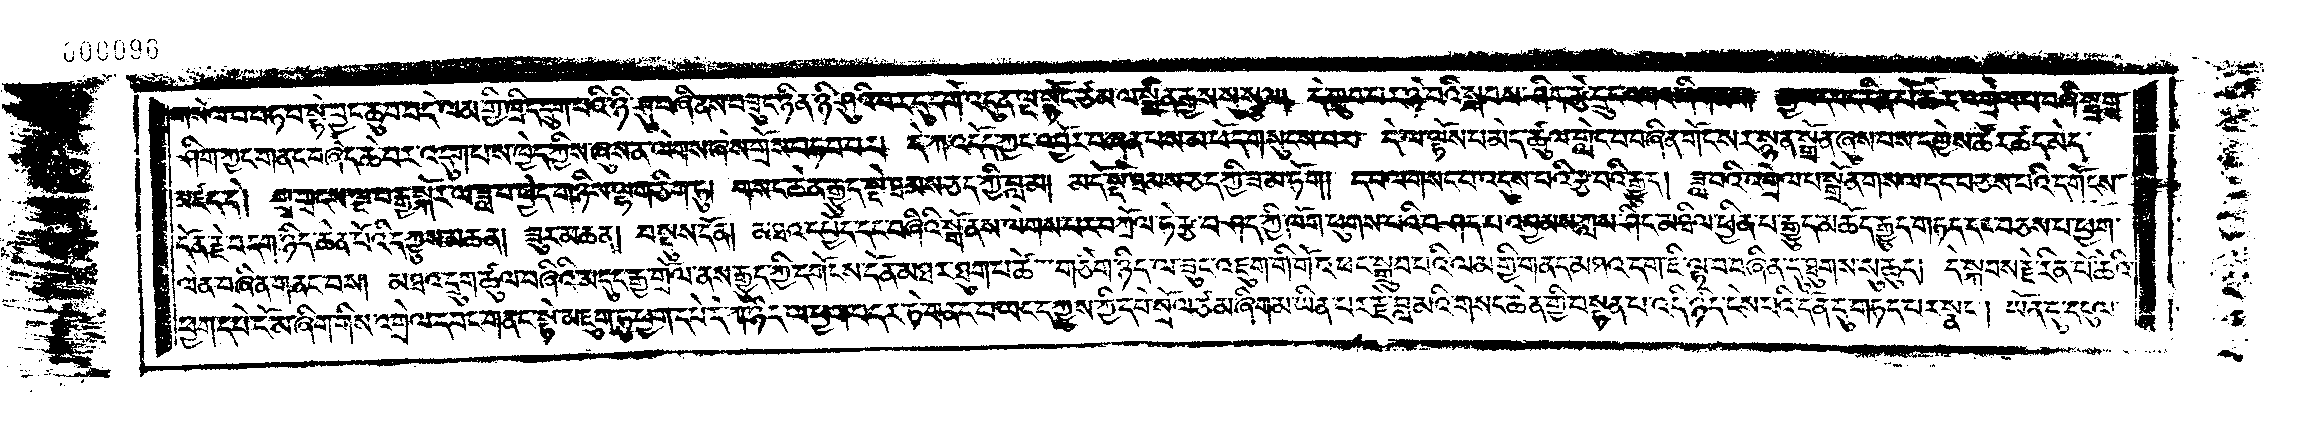གསོལ་བ་བཏབ་སྟེ་བྱང་ཆུབ་བདེ་ལམ་གྱི་ཁྲིད་དྲུག་པའི་ཉི་ཤུ་བཞི་ནས་བཟུང་ཉིན་ཉི་ཤུའི་བར་དུ་དགེ་འདུན་ལྔ་སྟོང་ཙམ་ལ་སྨིན་རྒྱས་སུ་སྩལ། དེ་གྲུབ་པར་ཉེ་བའི་སྐབས་ཤིག་རྩེ་དྲུང་འགའ་ཞིག་ནས། རྒྱལ་དབང་རིན་པོ་ཆེར་འགྲེལ་པ་བཞི་སྤྲགས་
ཤིག་ཀྱང་གནང་བཞེད་ཆེ་བར་འདུག་པས་ཁྱེད་ཀྱིས་ཞུས་ན་ལེགས་ཞེས་གྲོས་བཏབ་པར། དེ་ཀ་འདོད་ཀྱང་འབྱོར་བ་ཞན་པས་མ་ཕོད་གསུངས་པར། དེ་ལ་ལྟོས་པ་མེད་ཚུལ་གླེང་བ་བཞིན་གོང་སར་སྙན་སྒྲོན་ཞུས་པས་དགྱེས་ཚོར་ཚད་མེད་
མཛད་དེ། གྲྭ་གྲངས་ལྔ་བརྒྱ་སྐོར་ལ་ཟླ་བ་ཕྱེད་གཉིས་ལྷག་ཅིག་ཏུ། གསང་ཆེན་རྒྱུད་སྡེ་ཐམས་ཅད་ཀྱི་བླ་མ། མདོ་སྡེ་ཐམས་ཅད་ཀྱི་ཟ་མ་ཏོག། དཔལ་གསང་བ་འདུས་པའི་རྩ་བའི་རྒྱུད། ཟླ་བའི་འགྲེལ་པ་སྒྲོན་གསལ་དང་བཅས་པའི་དགོངས་
དོན་རྗེ་བདག་ཉིད་ཆེན་པོའི་དཀྱུས་མཚན། ཟུར་མཆན། བསྡུས་དོན། མཐའ་དཔྱོད་དང་བཞིའི་སྒོ་ནས་ལེགས་པར་བཀྲོལ་ཏེ་རྩ་བཤད་ཀྱི་ཁོག་ཕུགས་པའི་བཤད་པ་འབྱམས་ཀླས་ཤིང་མཐིལ་ཕྱིན་པ་རྒྱུད་མཆོད་རྒྱུད་གཏད་དང་བཅས་པ་ཕྱག་
ལེན་བཞིན་གནང་བས། མཐའ་དྲུག་ཚུལ་བཞིའི་མདུད་རྒྱ་གྲོལ་ནས་རྒྱུད་ཀྱི་དགོངས་དོན་མཐར་ཐུག་པ་ཚེ་གཅིག་ཉིད་ལ་ཟུང་འཇུག་གི་གོ་འཕང་སྒྲུབ་པའི་ལམ་གྱི་གནད་མཐའ་དག་ཇི་ལྟ་བ་བཞིན་དུ་ཐུགས་སུ་ཆུད། དེ་སྐབས་རྗེ་རིན་པོ་ཆེའི་
ཕྱག་དཔེ་ངོ་མ་ཞིག་གིས་འགྲེལ་དབང་གནང་སྟེ་མཇུག་ཏུ་ཕྱག་དཔེ་དེ་ཀ་ཉིད་ལ་ཕྱག་བདར་ཏེ་གནང་བ་ཡང་དཀྱུས་ཀྱི་དཔེ་སྲོལ་ཙམ་ཞིག་མ་ཡིན་པར་རྗེ་བླ་མའི་གསང་ཆེན་གྱི་བསྟན་པ་འདི་ཉིད་ངེས་པའི་དོན་དུ་གཏད་པར་སྣང་། ཡོན་དུ་དངུལ་